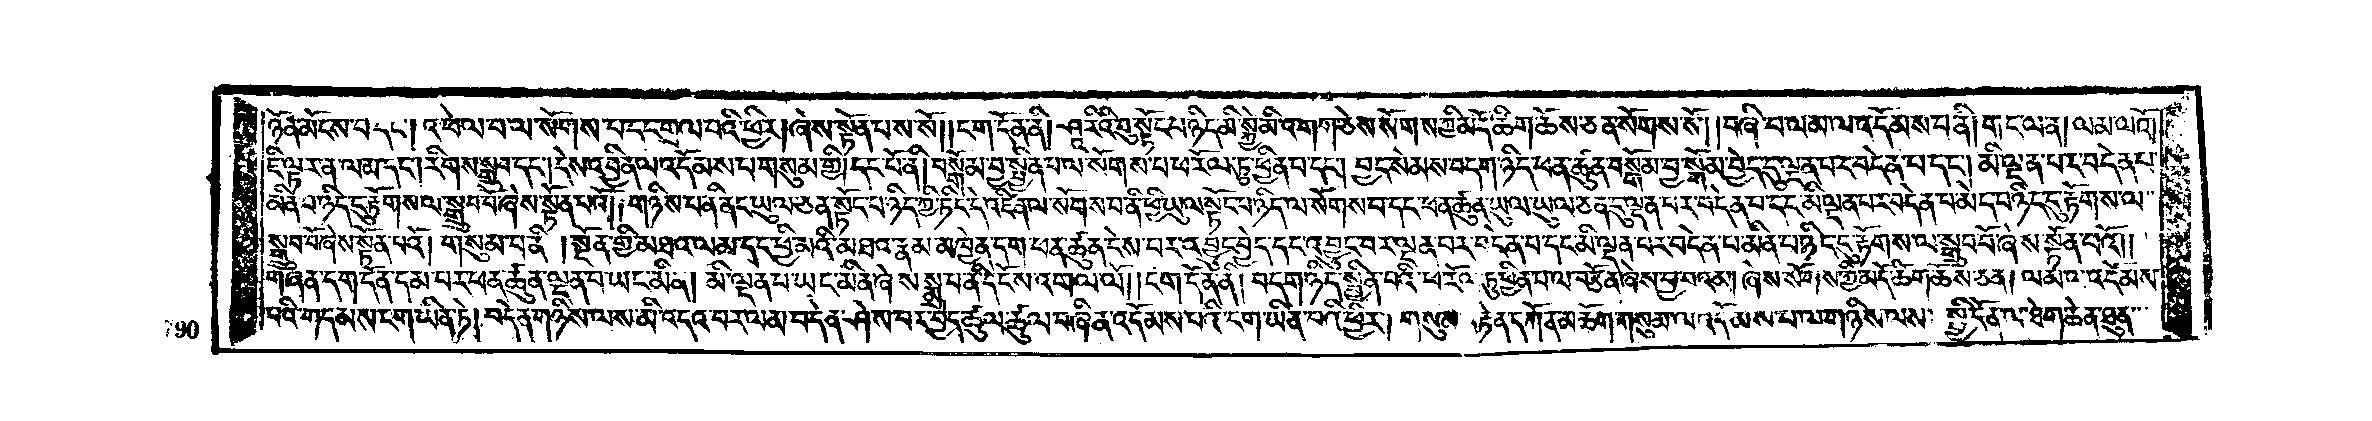ཉོན་མོངས་པ་དང་། འཕེལ་བ་ལ་སོགས་པ་དང་གྲལ་བའི་ཕྱིར། ཞེས་སྟོན་པས་སོ། །ངག་དོན་ནི། ཤཱ་རིའི་བུ་སྟོང་པ་ཉིད་མི་སྐྱེ་མི་འགག་ཅེས་སོགས་ཀྱི་མདོ་ཚིག་ཆོས་ཅན་སོགས་སོ། །བཞི་པ་ལམ་ལ་འདོམས་པ་ནི། གང་ལ་ན། ལམ་ལའོ།
ཇི་ལྟར་ན་ལམ་དང་། རིགས་སྒྲུབ་དང་། དེས་འབྱིན་ལ་འདོམས་པ་གསུམ་གྱི། དང་པོ་ནི། བསྒོམ་བྱ་སྦྱིན་པ་ལ་སོགས་པ་ཕ་རོལ་ཏུ་ཕྱིན་པ་དང་། བྱང་སེམས་བདག་ཉིད་ཕན་ཚུན་བསྒོམ་བྱ་སྒོམ་བྱེད་དུ་ལྡན་པར་བདེན་པ་དང་། མི་ལྡན་པར་བདེན་པ་
མིན་པ་ཉིད་དུ་རྟོགས་ལ་སྒྲུབ་བོ་ཞེས་སྟོན་པའོ། །གཉིས་པ་ནི་ནང་ཡུལ་ཅན་སྟོང་པ་ཉིད་ཀྱི་ཏིང་ངེ་འཛིན་ལ་སོགས་པ་ནི་ཕྱི་ཡུལ་སྟོང་པ་ཉིད་ལ་སོགས་པ་དང་ཕན་ཚུན་ཡུལ་ཡུལ་ཅན་དུ་ལྡན་པར་བདེན་པ་དང་མི་ལྡན་པར་བདེན་པ་མེད་པ་ཉིད་དུ་རྟོགས་ལ་
སྒྲུབ་བོ་ཞེས་སྟོན་པའོ། གསུམ་པ་ནི། སྔོན་གྱི་མཐའ་ལམ་དང་ཕྱི་མའི་མཐའ་རྣམ་མཁྱེན་དག་ཕན་ཚུན་ངེས་པར་འབྱུང་བྱེད་དང་འབྱུང་བར་ལྡན་པར་བདེན་པ་དང་མི་ལྡན་པར་བདེན་པ་མིན་པ་ཉིད་དུ་རྟོགས་ལ་སྒྲུབ་བོ་ཞེས་སྟོན་པའོ། །
གཞན་དག་དོན་དམ་པར་ཕན་ཚུན་ལྡན་པ་ཡང་མིན། མི་ལྡན་པ་ཡང་མིན་ཞེས་སྨྲ་བ་ནི་དངོས་འགལ་ལོ། །ངག་དོན་ནི། བདག་ཉིད་སྦྱིན་པའི་ཕ་རོལ་ཏུ་ཕྱིན་པ་ལ་བརྩོན་ཞེས་བྱ་བའམ། ཞེས་སོགས་ཀྱི་མདོ་ཚིག་ཆོས་ཅན། ལམ་ལ་འདོམས་
པའི་གདམས་ངག་ཡིན་ཏེ། བདེན་གཉིས་ལས་མི་འདའ་བར་ལམ་བདེན་ཤེས་དཔར་བྱེད་ཚུལ་བཞིན་འདོམས་པའི་ངག་ཡིན་པའི་ཕྱིར། གསུམ་པ་རྟེན་དཀོན་མཆོག་གུམ་ལ་འདོམས་པ་ལ་གཉིས་ལས། སྤྱི་དོན་ལ་ཐེག་ཆེན་ཐུན་